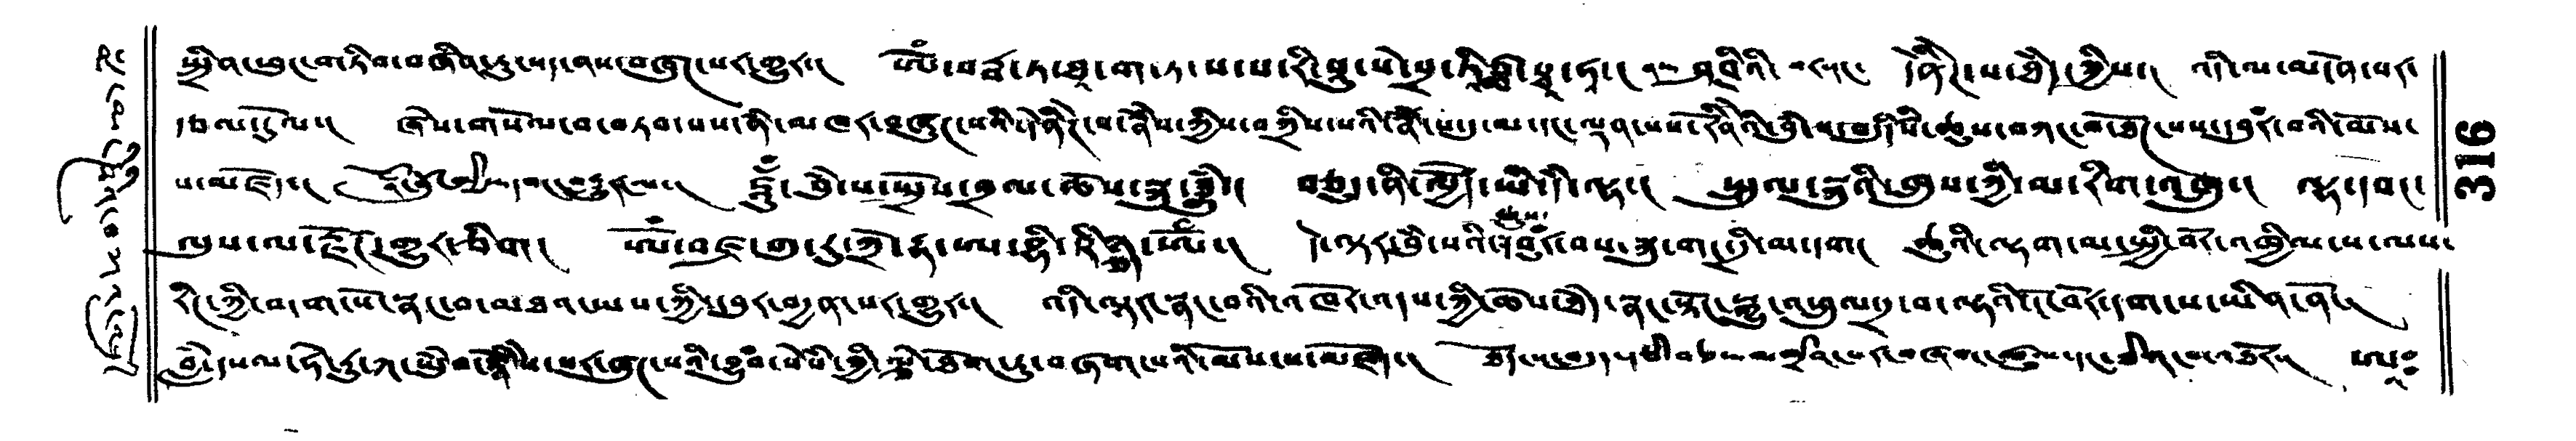སྤྲིན་ཕུང་གཏིབས་པ་བཞིན་དུ་སད་ནས་བཞུགས་པར་གྱུར། ཨོཾ་སརྦ་ཏ་ཐཱ་ག་ཏ་ས་པ་རི་པུཥྤཻ་པྲ་ཏཱིཙྪ་སྭ་ཧཱ། ནས། ཤབྡའི་བར་དང་། དེ་བཞིན་གཤེགས་པ་ཐམས་ཅད་ཀྱིས། །འདི་ལ་མངོན་པར་
བསྩལ་དུ་གསོལ། ཞེས་གསོལ་བ་བཏབ་པས་ནམ་མཁར་བཞུགས་པའི་དེ་བཞིན་གཤེགས་པ་རྣམས་ཀྱིས་བཀྲ་ཤིས་པའི་རྣམ་པ་དུ་མ་དང་ལྡན་པས་རིན་པོ་ཆེའི་བུམ་པ་བདུད་རྩིས་བཀང་བ་ཐོགས་པས་དབང་བསྐུར་བའི་མོས་
པ་མཛོད། རྣམ་བུམ་གྱིས་དབང་བསྐུར་ལ།ཧཱུྃ། བུམ་པ་སྤྲོས་བྲལ་ཆོས་སྐུ་ཟླུམ། །བཅུད་ནི་ལོངས་སྤྱོད་ཡི་དམ་ལྷ། །སྤྲུལ་སྐུའི་ཁྲུས་ཀྱི་མ་རིག་འཁྲུད། །ལྷ་དབང་
ལུས་ལ་རྫོགས་གྱུར་ཅིག ཨོཾ་བཛྲ་གུ་རུ་ཀྲོ་དྷ་ཨ་བྷི་རིཉྩ་ཨོཾ། དེ་ལྟར་བུམ་པའི་ཆུས་དབང་བསྐུར་བས་སྐུ་གང་དྲི་མ་དག ཆུའི་ལྷག་མ་སྤྱི་བོར་འཁྱིལ་པ་ལས། 
རིགས་ཀྱི་བདག་པོ་སྣང་བ་མཐའ་ཡས་ཀྱིས་དབུ་བརྒྱན་པར་གྱུར། འདི་ལྟར་སྣང་བའི་འཁོར་འདས་ཀྱི་ཆོས་ཐམས་ཅད་སྣང་སྟོང་སྒྱུ་འཕྲུལ་དྲ་བ་ལྷའི་ངོ་བོར་དག་པ་ཡིན་ནོ། 
བླ་མ་དཔལ་ཧེ་རུ་ཀ་ཡབ་ཡུམ་སྙོམས་པར་ཞུགས་པའི་བྱང་ཆུབ་སེམས་ཀྱི་བདུད་རྩི་ལྕེ་ཐོག་ཏུ་བཞག་པའི་མོས་པ་མཛོད། ཐོད་པ་བདུད་རྩི་བཅས་མགྲིན་པར་བཞག་ཚུལ་དང་ཐིགས་པ་འཐོར། ཨཱཿ